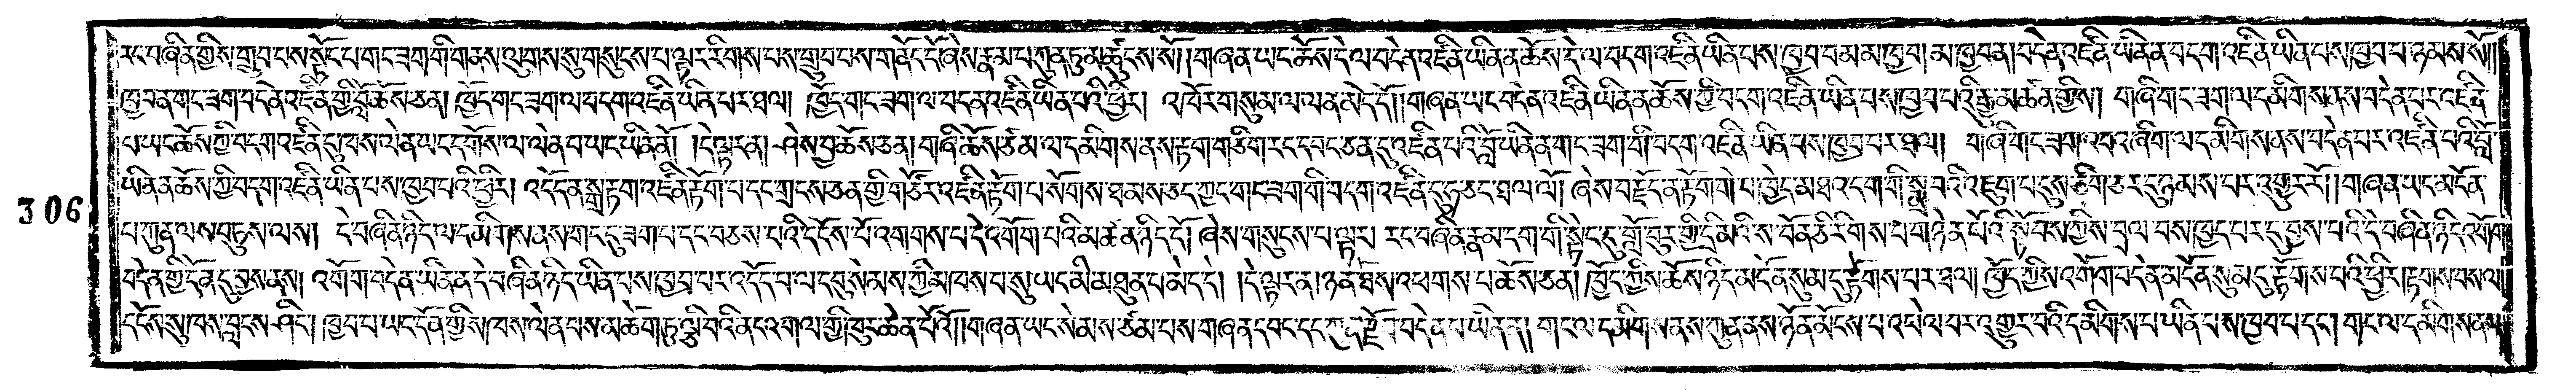རང་བཞིན་གྱིས་གྲུབ་པས་སྟོང་པ་གང་ཟག་གི་གནས་ལུགས་སུ་གསུངས་པ་ལྟར་རིགས་པས་གྲུབ་པས་གནོད་དོ་ཞེས་རྣམ་པ་ཀུན་ཏུ་མཚུངས་སོ། །གཞན་ཡང་ཆོས་དེ་ལ་བདེན་འཛིན་ཡིན་ན་ཆོས་དེ་ལ་བདག་འཛིན་ཡིན་པས་ཁྱབ་བམ་མ་ཁྱབ། མ་ཁྱབ་ན། བདེན་འཛིན་ཡིན་ན་བདག་འཛིན་ཡིན་པས་ཁྱབ་པ་ཉམས་སོ།།
ཁྱབ་ན་གང་ཟག་བདེན་འཛིན་གྱི་བློ་ཆོས་ཅན། ཁྱོད་གང་ཟག་ལ་བདག་འཛིན་ཡིན་པར་ཐལ། ཁྱོད་གང་ཟག་ལ་བདན་འཛིན་ཡིན་པའི་ཕྱིར། འཁོར་གསུམ་ལ་ལན་མེད་དོ། །གཞན་ཡང་བདེན་འཛིན་ཡིན་ན་ཆོས་ཀྱི་བདག་འཛིན་ཡིན་པས་ཁྱབ་པའི་རྒྱུ་མཚན་གྱིས། གཞི་གང་ཟག་ལ་དམིགས་ནས་བདེན་པར་འཛིན་
པ་ཡང་ཆོས་ཀྱི་བདག་འཛིན་དུ་ཁས་ལེན་ཡང་དགོས་ལ་ལེན་པ་ཡང་ཡིན་ནོ། །དེ་ལྟར་ན། ཤེས་བྱ་ཆོས་ཅན། གཞི་ཆོས་ཙམ་ལ་དམིགས་ནས་རྟག་གཅིག་རང་དབང་ཅན་དུ་འཛིན་པའི་བློ་ཡིན་ན་གང་ཟག་གི་བདག་འཛིན་ཡིན་པས་ཁྱབ་པར་ཐལ། གཞི་གང་ཟག་འབའ་ཞིག་ལ་དམིགས་ནས་བདེན་པར་འཛིན་པའི་བློ་
ཡིན་ན་ཆོས་ཀྱི་བདག་འཛིན་ཡིན་པས་ཁྱབ་པའི་ཕྱིར། འདོད་ན་སྒྲ་རྟག་འཛིན་རྟོག་པ་དང་གྲངས་ཅན་གྱི་གཙོར་འཛིན་རྟོག་པ་སོགས་ཐམས་ཅད་ཀྱང་གང་ཟག་གི་བདག་འཛིན་དུ་ཧ་ཅང་ཐལ་ལོ། ཞེས་བརྗོད་ན་རྟོག་གེ་པ་ཁྱེད་མཐའ་དག་གི་སྨྲ་བའི་འཇུག་པ་དུས་ཅིག་ཅར་དུ་ཉམས་པར་འགྱུར་རོ། །གཞན་ཡང་མངོན་
པ་ཀུན་ལས་བཏུས་ལས། དེ་བཞིན་ཉིད་ལ་དམིགས་ནས་གང་དུ་ཟག་པ་དང་བཅས་པའི་དངོས་པོ་འགགས་པ་དེ་འགོག་པའི་མཚན་ཉིད་དོ། ཞེས་གསུངས་པ་ལྟར། རང་བཞིན་རྣམ་དག་གི་སྟེང་དུ་གློ་བུར་གྱི་དྲི་མའི་ས་བོན་ཅི་རིགས་པ་གཉེན་པོའི་སྟོབས་ཀྱིས་བྲལ་བས་ཁྱད་བར་དུ་བྱས་པའི་དེ་བཞིན་ཉིད་འགོག་
བདེན་གྱི་དོན་དུ་བྱས་ནས། འགོག་བདེན་ཡིན་ན་དེ་བཞིན་ཉིད་ཡིན་པས་ཁྱབ་པར་འདོད་པ་ལ་དབུ་སེམས་ཀྱི་མཁས་པ་སུ་ཡང་མི་མཐུན་པ་མེད་དེ། །དེ་ལྟར་ན་།ཉན་ཐོས་འཕགས་པ་ཆོས་ཅན། ཁྱོད་ཀྱིས་ཆོས་ཉིད་མངོན་སུམ་དུ་རྟོགས་པར་ཐལ། ཁྱོད་ཀྱིས་འགོག་བདེན་མངོན་སུམ་དུ་རྟོགས་པའི་ཕྱིར་།རྟགས་བསལ་
དངོས་སུ་ཁས་བླངས་ཤིང་། ཁྱབ་པ་ཡང་དོན་གྱིས་ཁས་ལེན་པས་མཆོག་ཏུ་ལྕི་བའི་ནང་འགལ་གྱི་ཁུར་ཆེན་པོའོ། །གཞན་ཡང་སེམས་ཙམ་པས་གཞན་དབང་དང་ཀུན་རྫོབ་བདེན་པ་ཡིན་ན། གང་ལ་དམིགས་ནས་ཀུན་ནས་ཉོན་མོངས་པ་འཕེལ་བར་འགྱུར་བའི་དམིགས་པ་ཡིན་པས་ཁྱབ་པ་དང་། གང་ལ་དམིགས་ནས་